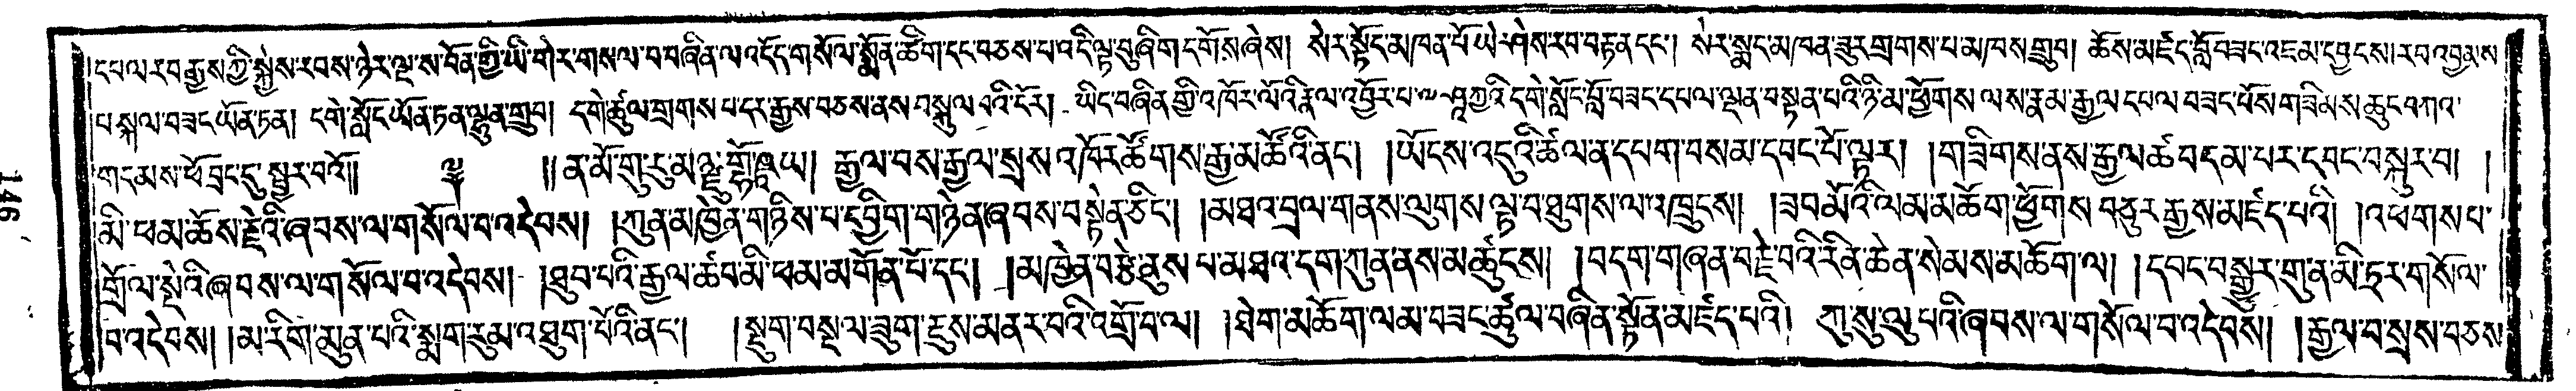དཔལ་རབ་རྒྱས་ཀྱི་སྐྱེས་རབས་ཉེར་ལྔ་ས་བོན་གྱི་ཡི་གེར་གསལ་བ་བཞིན་ལ་འདོད་གསོལ་སྨོན་ཚིག་དང་བཅས་པ་འདི་ལྟ་བུ་ཞིག་དགོས་ཞེས། སེར་སྟོང་མཁན་པོ་ཡེ་ཤེས་རབ་བརྟན་དང་། སེར་སྨད་མཁན་ཟུར་གྲགས་པ་མཁས་གྲུབ། ཆོས་མཛད་བློ་བཟང་འཇམ་དབྱངས་།རབ་འབྱམས་
པ་སྐལ་བཟང་ཡོན་ཏན། དགེ་སློང་ཡོན་ཏན་ལྷུན་གྲུབ། དགེ་ཚུལ་གྲགས་པ་དར་རྒྱས་བཅས་ནས་བསྐུལ་བའི་ངོར། ཡིད་བཞིན་གྱི་འཁོར་ལོའི་རྣལ་འབྱོར་པ་༧་ཤཱཀྱའི་དགེ་སློང་བློ་བཟང་དཔལ་ལྡན་བསྟན་པའི་ཉི་མ་ཕྱོགས་ལས་རྣམ་རྒྱལ་དཔལ་བཟང་པོས་གཟིམས་ཆུང་བཀའ་
གདམས་ཕོ་བྲང་དུ་སྦྱར་བའོ།། ༈ །།ན་མོ་གུ་རུ་མཉྫུ་གྷོཥཱ་ཡ། རྒྱལ་བས་རྒྱལ་སྲས་འཁོར་ཚོགས་རྒྱ་མཚོའི་ནང་། །ཡོངས་འདུའི་ཚལ་ན་དཔག་བསམ་དབང་པོ་ལྟར། །གཟིགས་ནས་རྒྱལ་ཚབ་དམ་པར་དབང་བསྐུར་བ། །
མི་ཕམ་ཆོས་རྗེའི་ཞབས་ལ་གསོལ་བ་འདེབས། །ཀུན་མཁྱེན་གཉིས་པ་དབྱིག་གཉེན་ཞབས་བསྟེན་ཅིང་། །མཐའ་བྲལ་གནས་ལུགས་ལྟ་བ་ཐུགས་ལ་འཁྲུངས། །ཟབ་མོའི་ལམ་མཆོག་ཕྱོགས་བཅུར་རྒྱས་མཛད་པའི། །འཕགས་པ་
གྲོལ་སྡེའི་ཞབས་ལ་གསོལ་བ་འདེབས། །ཐུབ་པའི་རྒྱལ་ཚབ་མི་ཕམ་མགོན་པོ་དང་། །མཁྱེན་བརྩེ་ནུས་པ་མཐའ་དག་ཀུན་ནས་མཚུངས། །བདག་གཞན་བརྗེ་བའི་རིན་ཆེན་སེམས་མཆོག་ལ། །དབང་བསྒྱུར་གུ་ན་མི་ཏྲར་གསོལ་
བ་འདེབས། །མ་རིག་མུན་པའི་སྨག་རུམ་འཐུག་པོའི་ནང་། །སྡུག་བསྔལ་ཟུག་རྡུས་མནར་བའི་འགྲོ་བ་ལ། །ཐེག་མཆོག་ལམ་བཟང་ཚུལ་བཞིན་སྟོན་མཛད་པའི། ཀུ་སུ་ལུ་པའི་ཞབས་ལ་གསོལ་བ་འདེབས། །རྒྱལ་བ་སྲས་བཅས་